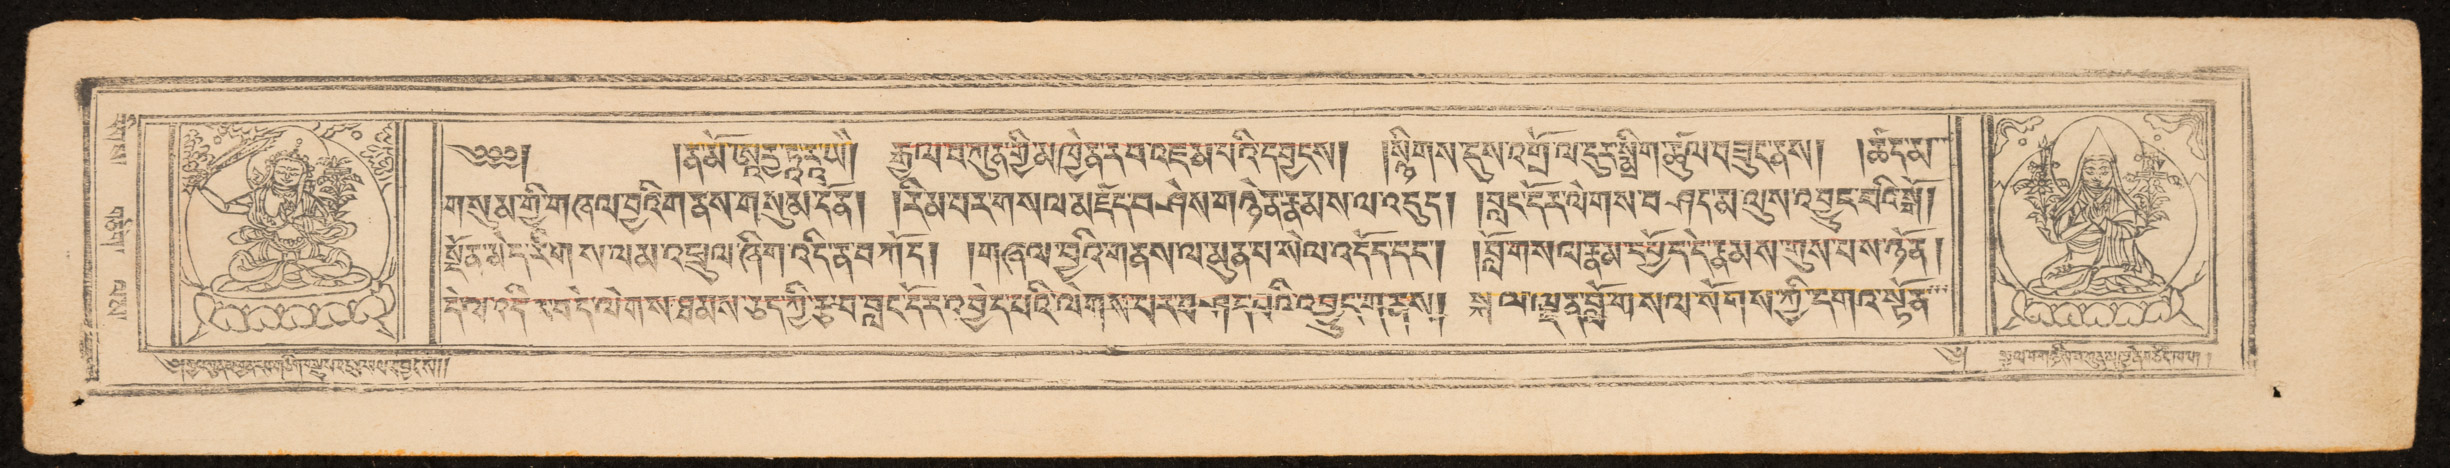༄༅། །ན་མོ་ཨཱ་རྱ་ཏཱ་རཱ་ཡེ། རྒྱལ་བ་ཀུན་གྱི་མཁྱེན་རབ་འཇམ་པའི་དབྱངས། །སྙིགས་དུས་འགྲོ་ལ་ངུར་སྨིག་ཚུལ་བཟུང་ནས། །ཚད་མ་
གསུམ་གྱི་གཞལ་བྱའི་གནས་གསུམ་དོན། །རིམ་པར་གསལ་མཛད་བཤེས་གཉེན་རྣམས་ལ་འདུད། །བླང་དོར་ལེགས་བཤད་མ་ལུས་འབྱུང་བའི་སྒོ། །
སྔོན་མེད་རིགས་ལམ་འཕྲུལ་ཞིག་འདི་ན་བཀོད། །གཞལ་བྱའི་གནས་ལ་མུན་པ་སེལ་འདོད་དང་། །བློ་གསལ་རྣམ་དཔྱོད་རེ་རྣམས་གུས་པས་ཉོན། །
དེ་ལ་འདིར་བདེ་ལེགས་ཐམས་ཅད་ཀྱི་རྩ་བ་བླང་དོར་འབྱེད་པའི་ལེགས་པར་བཤད་པའི་འབྱུང་གནས། སྐལ་ལྡན་བློ་གསལ་སོགས་ཀྱི་དགའ་སྟོན་